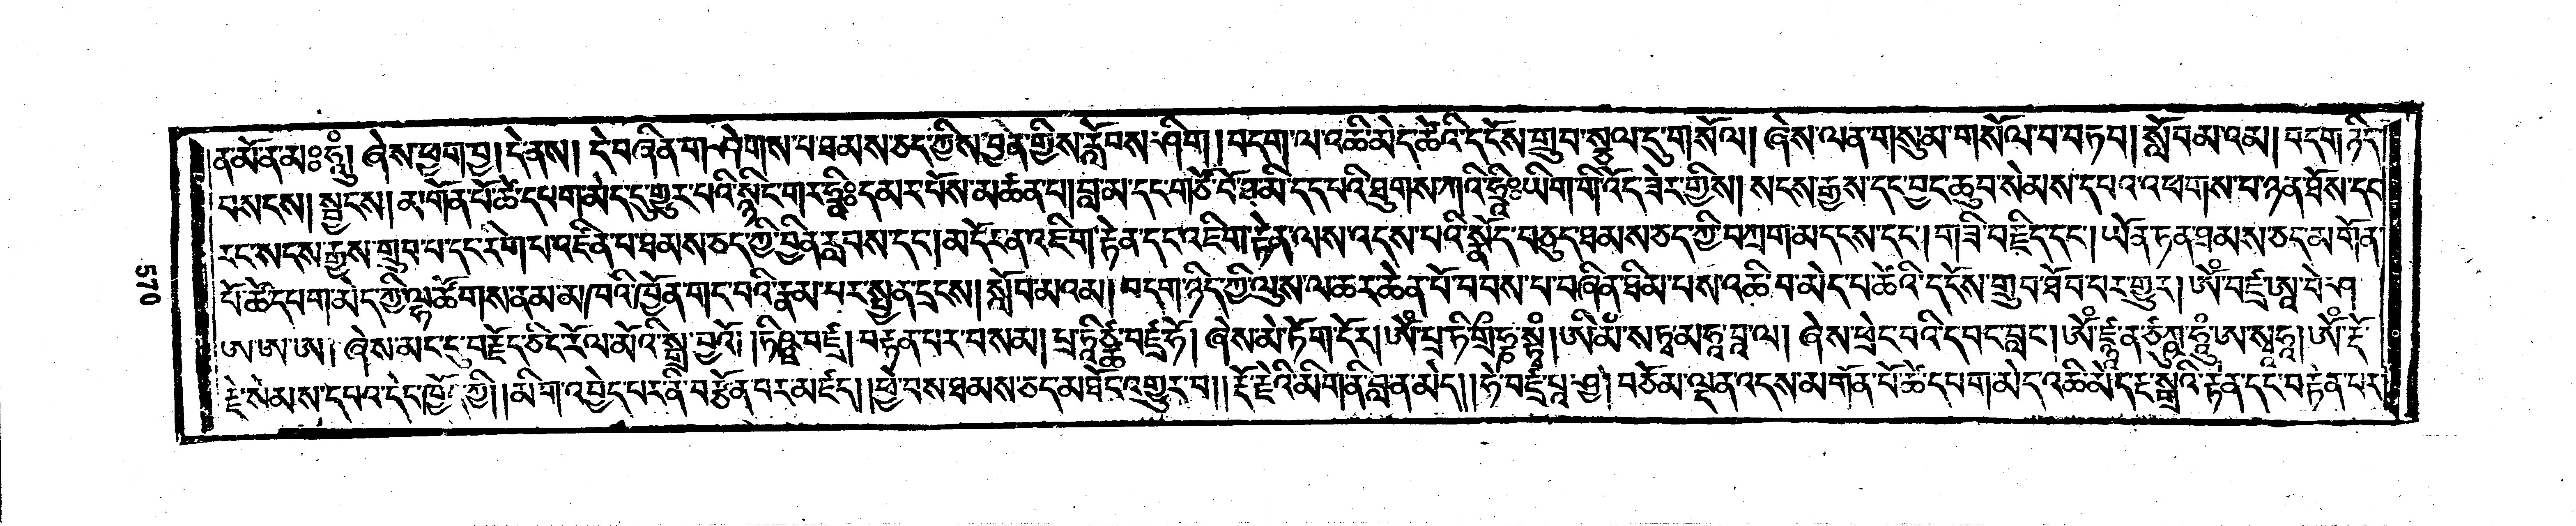ན་མོ་ན་མཿ ཧཱུཾ། ཞེས་ཕྱག་བྱ། དེ་ནས། དེ་བཞིན་གཤེགས་པ་ཐམས་ཅད་ཀྱིས་བྱིན་གྱིས་རློབས་ཤིག །བདག་ལ་འཆི་མེད་ཚེའི་དངོས་གྲུབ་སྩལ་དུ་གསོལ། ཞེས་ལན་གསུམ་གསོལ་བ་བཏབ། སློབ་མ་འམ། བདག་ཉིད་
བསངས། སྦྱངས། མགོན་པོ་ཚེ་དཔག་མེད་དུ་གྱུར་པའི་སྙིང་གར་ཧྲཱིཿ དམར་པོས་མཚན་པ། བླ་མ་དང་གཙོ་བོ་ཐ་མི་དད་པའི་ཐུགས་ཀའི་ཧྲཱིཿ ཡིག་གི་འོད་ཟེར་གྱིས། སངས་རྒྱས་དང་བྱང་ཆུབ་སེམས་དཔའ་འཕགས་པ་ཉན་ཐོས་དག་
རང་སངས་རྒྱས་གྲུབ་པ་དང་རིག་པ་འཛིན་པ་ཐམས་ཅད་ཀྱི་བྱིན་རླབས་དང་། མདོར་ན་འཇིག་རྟེན་དང་འཇིག་རྟེན་ལས་འདས་པའི་སྣོད་བཅུད་ཐམས་ཅད་ཀྱི་བཀྲག་མདངས་དང་། གཟི་བརྗིད་དང་། ཡོན་ཏན་ཐམས་ཅད་མགོན་
པོ་ཚེ་དཔག་མེད་ཀྱི་ལྷ་ཚོགས་ནམ་མཁའི་ཁྱོན་གང་བའི་རྣམ་པར་སྤྱན་དྲངས། སློབ་མའམ། བདག་ཉིད་ཀྱི་ལུས་ལ་ཆར་ཆེན་པོ་བབས་པ་བཞིན་ཐིམ་པས་འཆི་བ་མེད་པ་ཚེའི་དངོས་གྲུབ་ཐོབ་པར་གྱུར། ཨོཾ་བཛྲ་ཨཱ་བེ་ཤ་
ཨ་ཨ་ཨ། ཞེས་མང་དུ་བརྗོད་ཅིང་རོལ་མོའི་སྒྲ་བྱའོ། །ཏིཥཊཿཨ་བཛྲ། བརྟན་པར་བསམ། པྲ་ཏཱི་ཙྪ་བཛྲ་ཧོ། ཞེས་ཀྱི་ཏོག་དོར། ཨོཾ་པྲ་ཉི་གྲྀ་ཧྞ་སྟཾ། ཨི་མཾ་སཏྭ་མཧཱ་བཱ་ལ། ཞེས་ཕྲེང་བའི་དབང་བླང་། ཨོཾ་ཛྙཱ་ན་ཙ་ཀྵུ་ཧཱུཾ་ཨ་སྭཱཧཱ། ཨོཾ་རྡོ་
རྗེ་སེམས་དཔའ་དེང་ཁྱོད་ཀྱི། །མིག་འབྱེད་པར་ནི་བརྩོན་པར་མཛད། བྱེ་བས་ཐམས་ཅད་མཐོང་འགྱུར་བ། །རྡོ་རྗེའི་མིག་ནི་བླ་ན་མེད། །ཧེ་བཛྲ་པཱ་ཤྱ། བཅོམ་ལྡན་འདས་མགོན་པོ་ཚེ་དཔག་མེད་འཆི་མེད་རྔ་སྒྲའི་རྟེན་དང་བརྟེན་པར་